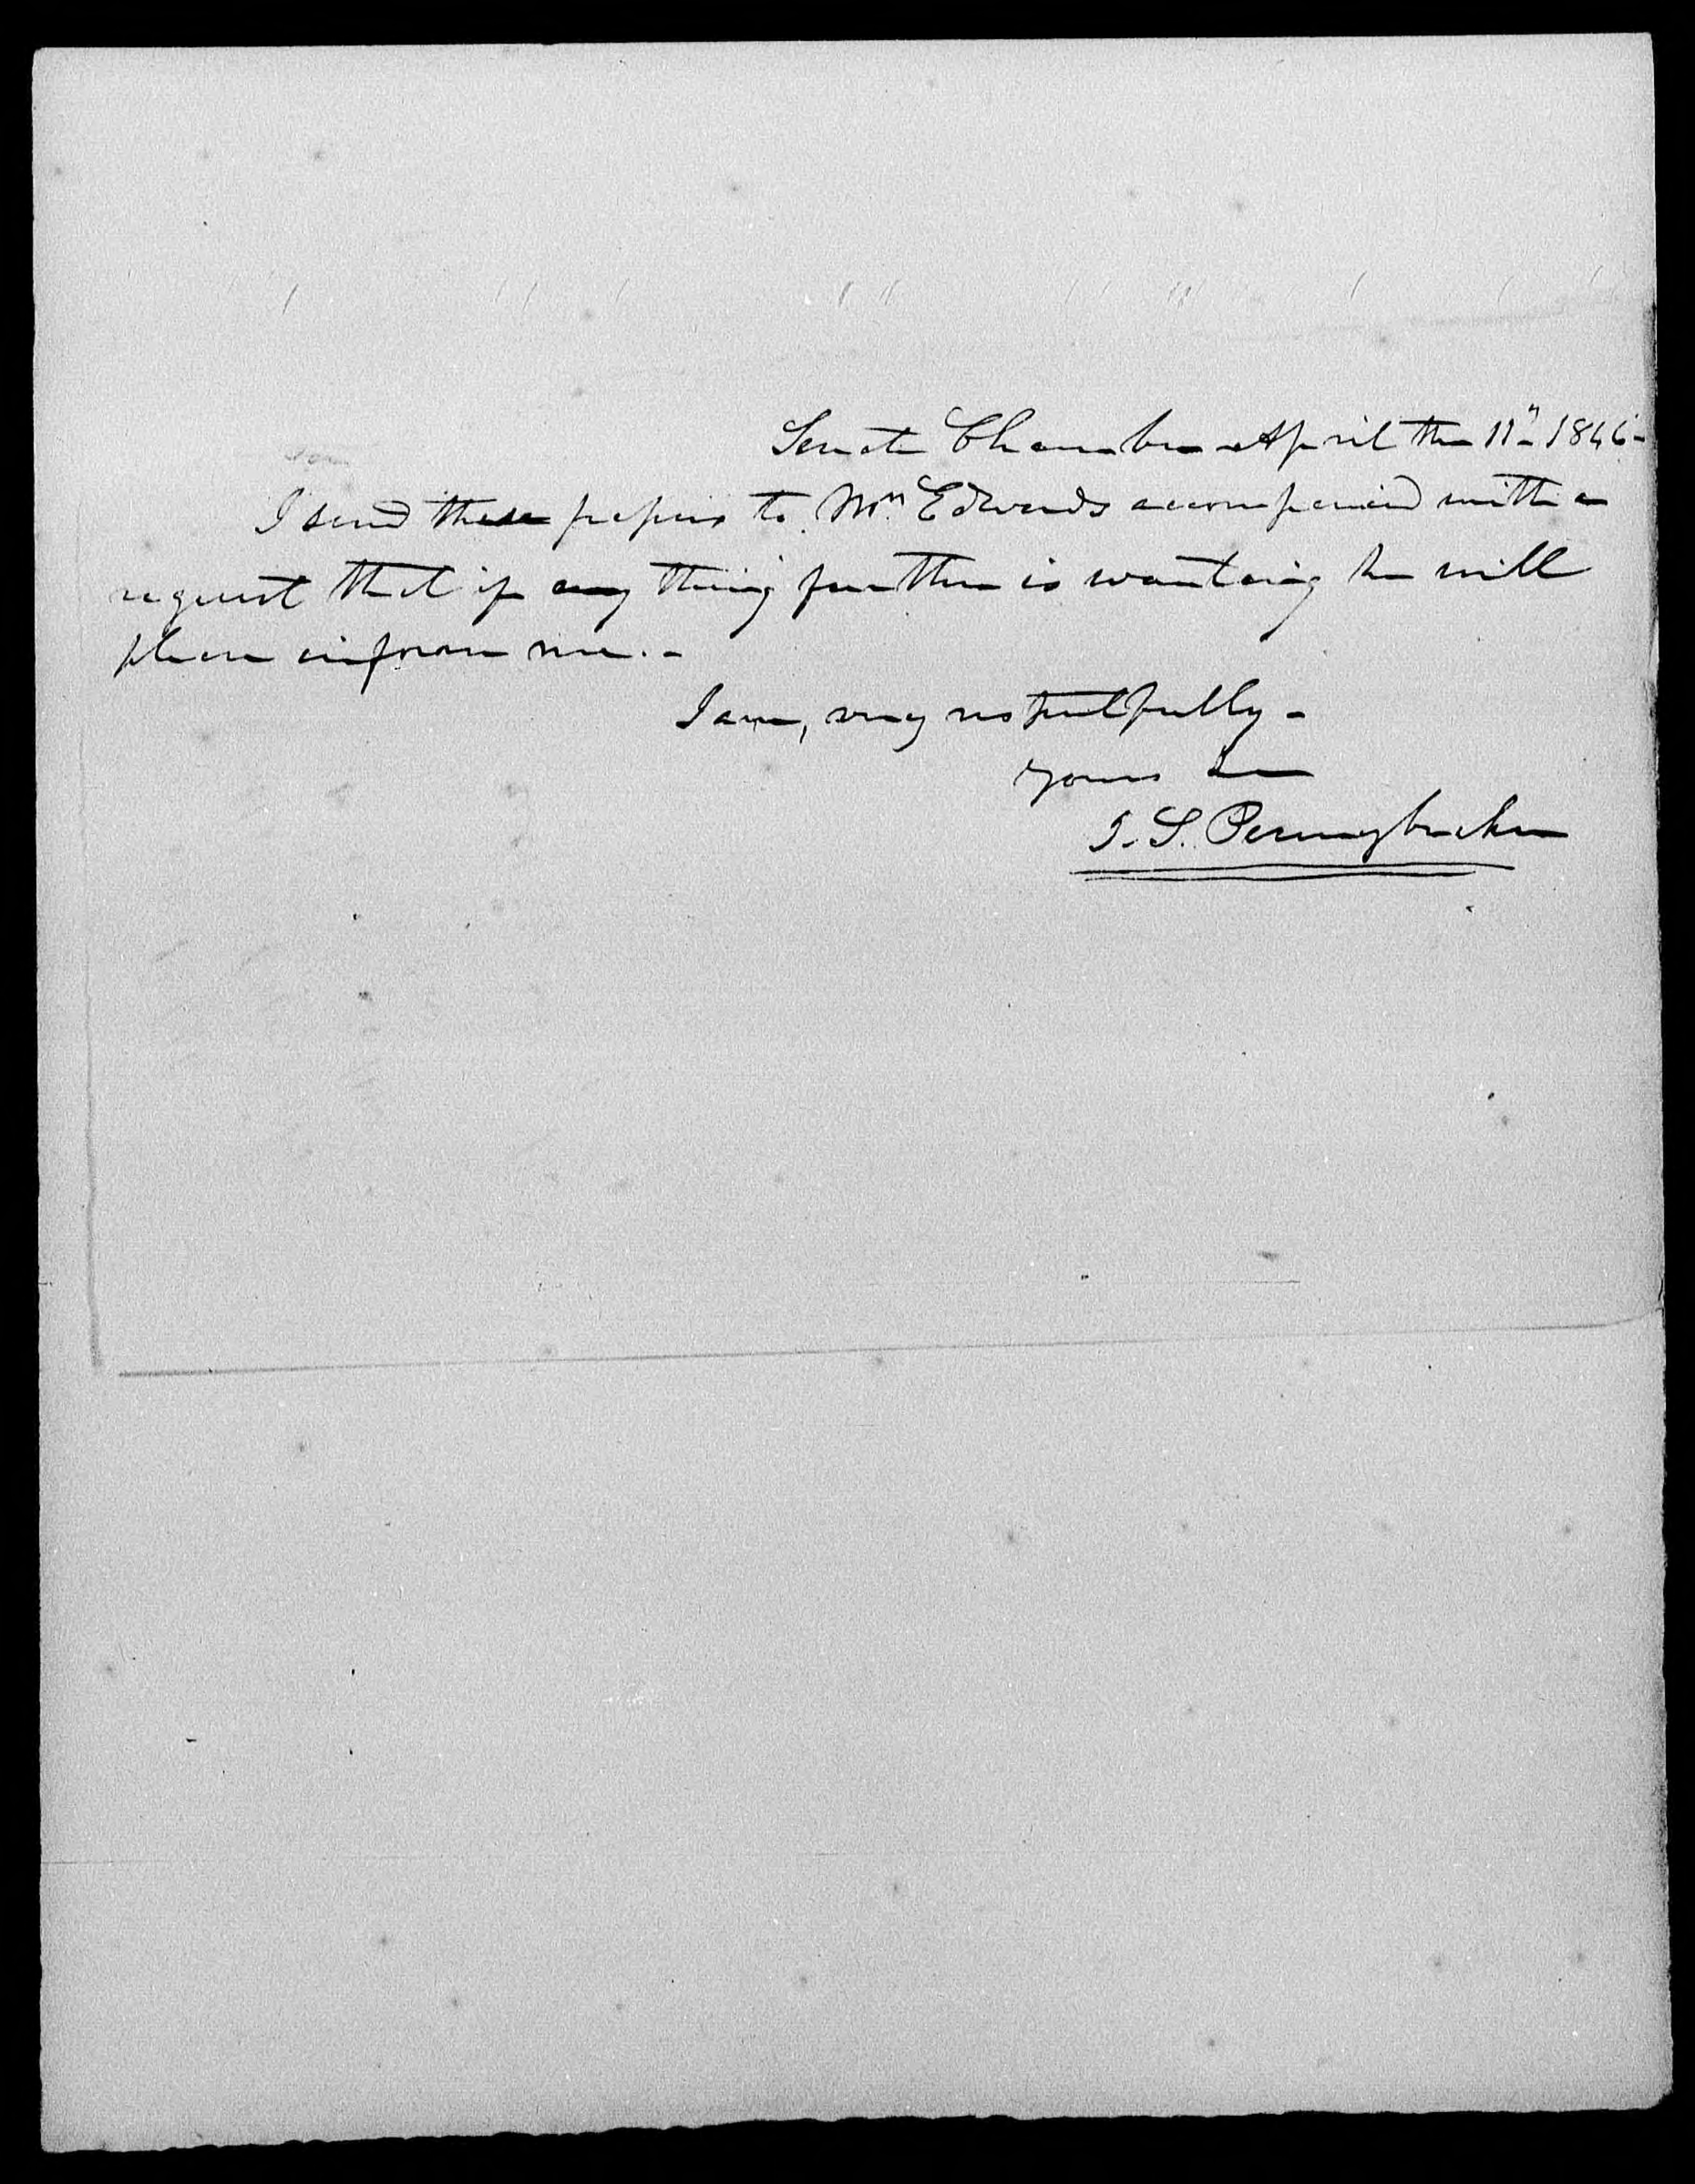[illegible] to [illegible] [illegible] the 11th 1846-
I send these papers to Mr. Edwards accompanied with a request that if any thing further is [illegible] [illegible] until [illegible] inform[?] me[?]

I am, very respectfully yours [illegible]
J. S. Penneybacker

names: Edwards, J S Pennybacker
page: 31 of 35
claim: widow's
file: W 7007, John Devericks, Va.